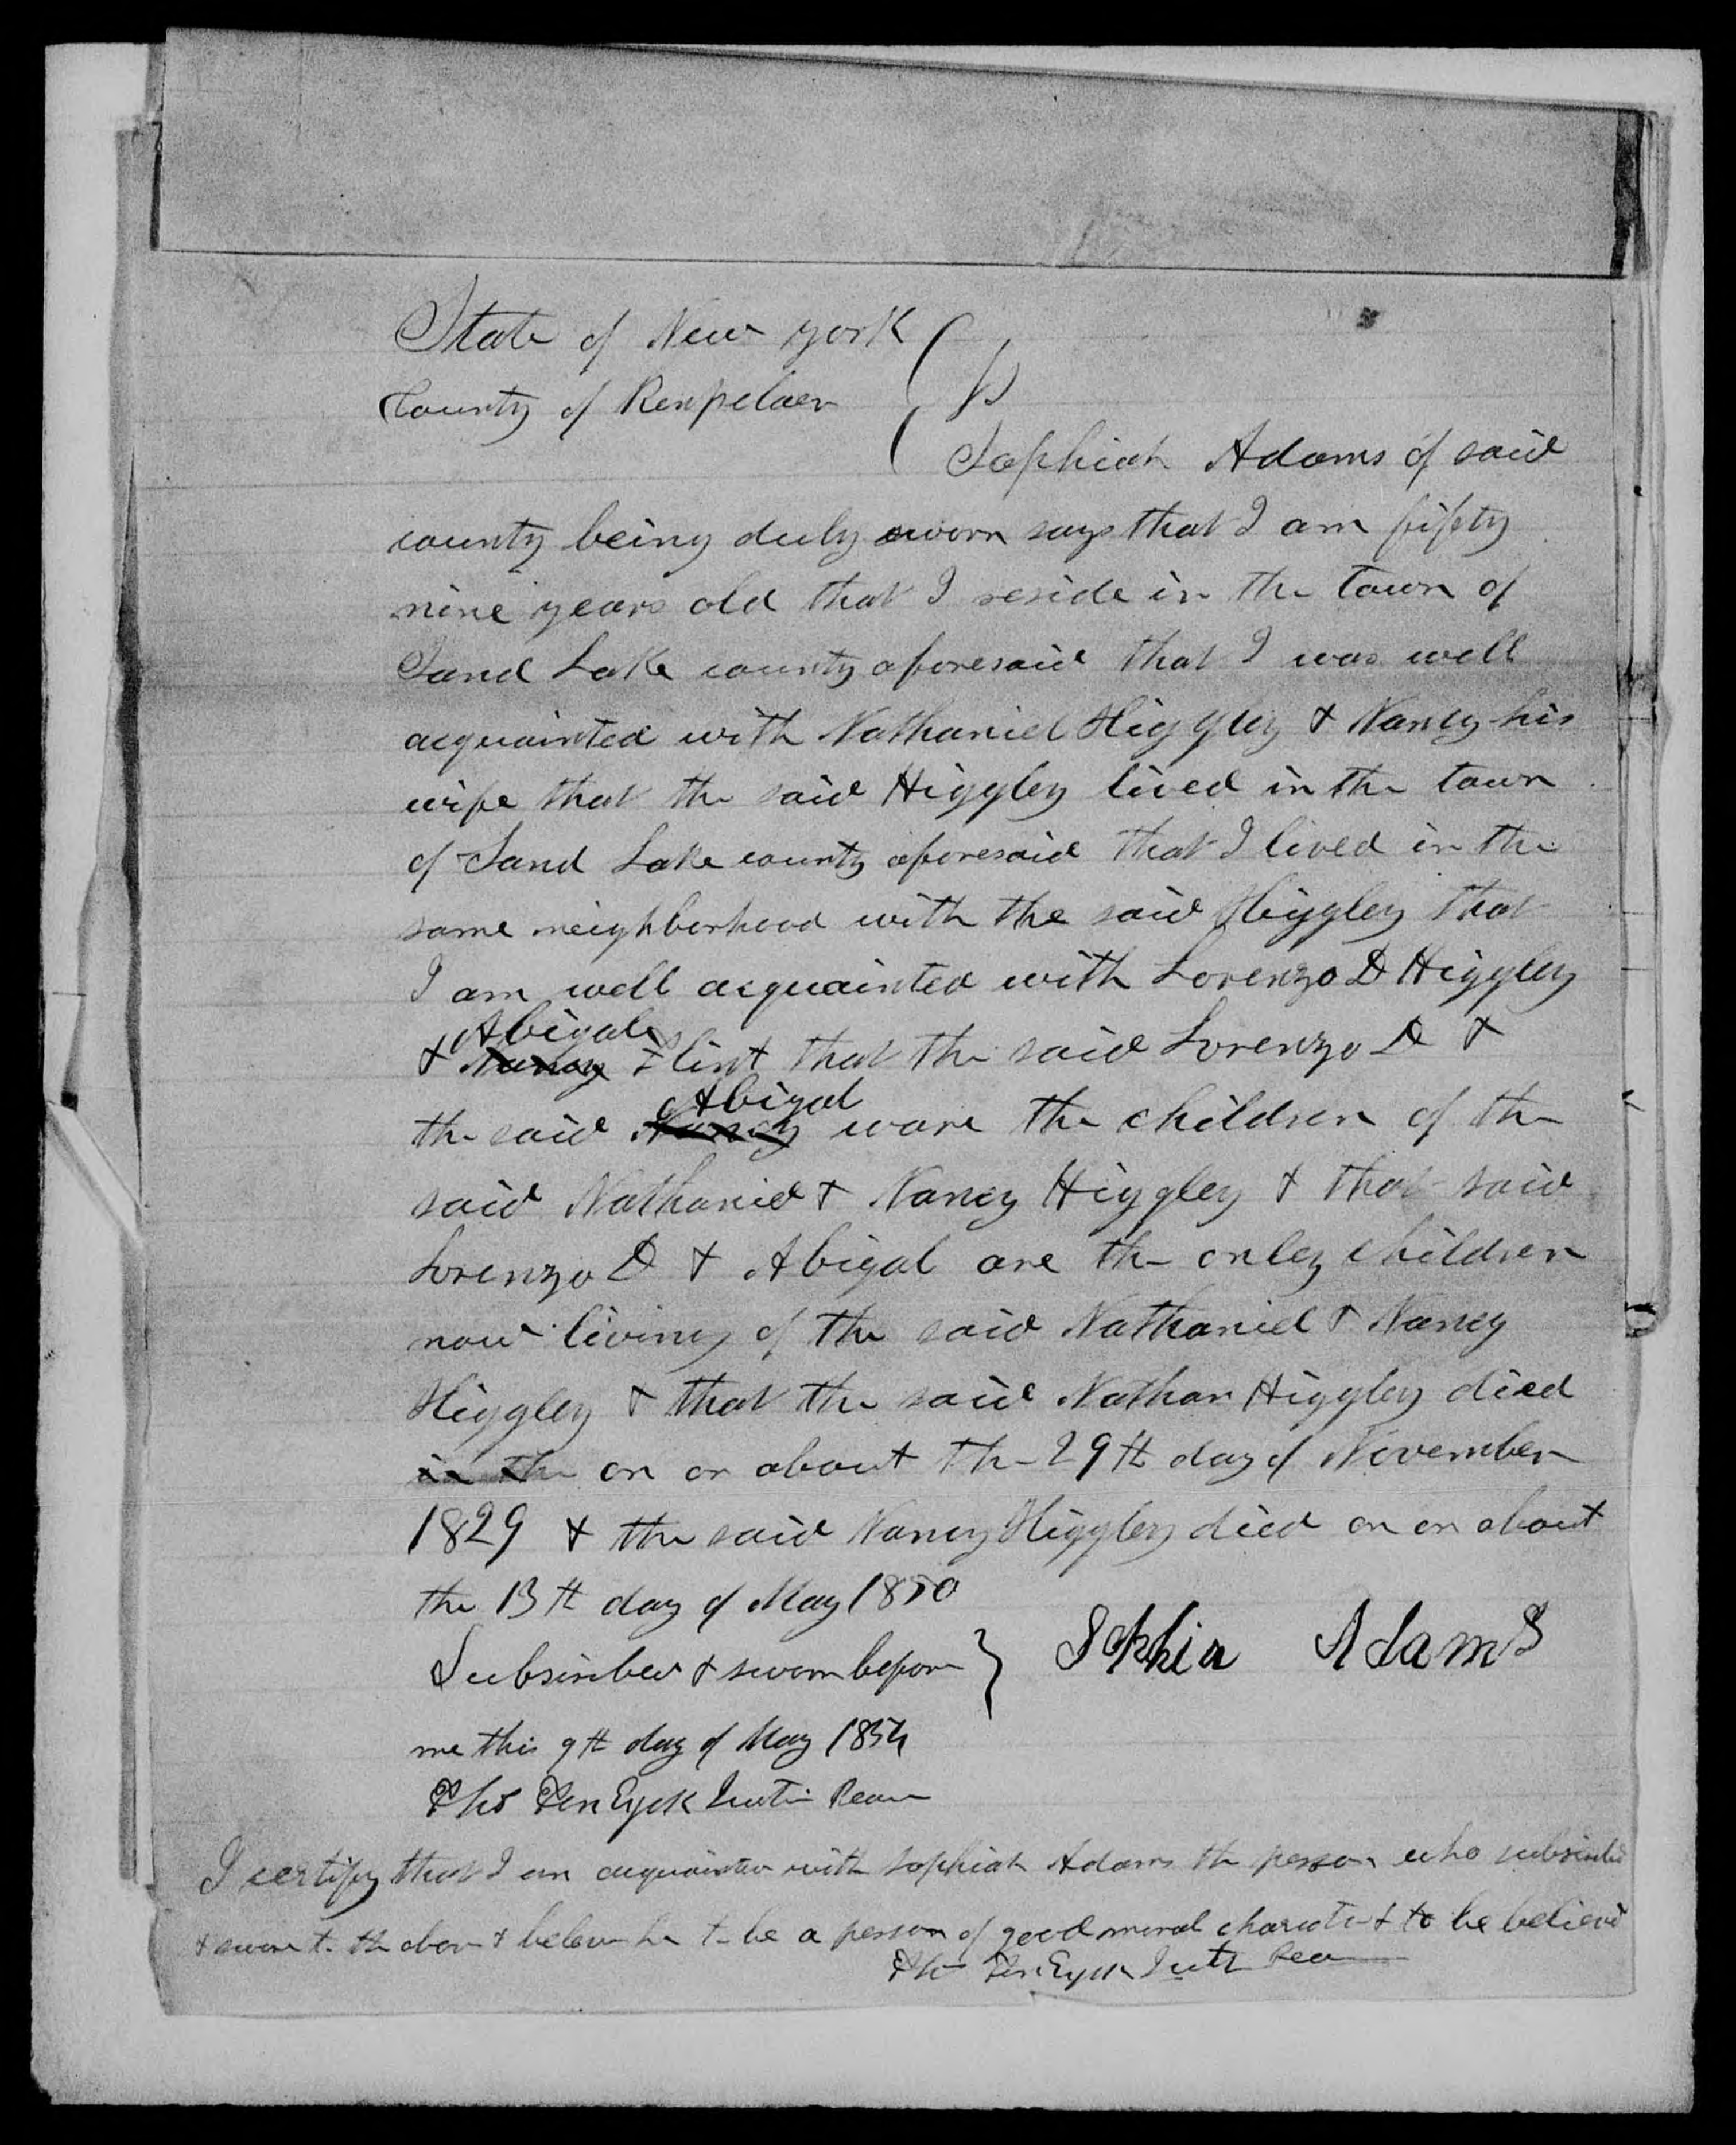State of New York
County of Rensselaer
ss.
I Sophiah Adams of said county being duly sworn says that I am fifty nine years old that I reside in the town of Sand Lake county aforesaid that I was well acquainted with Nathaniel Higgley & Nancy his wife that the said Higgley lived in the town of Sand Lake county aforesaid that I lived in the same neighborhood with the said Higgley that I am well acquainted with Lorenzo D. Higgley & [crossed out: Nancy] Abigail Flint that the said Lorenzo D. & the said [crossed out: Nancy] Abigail are the only children now living of the said Nathaniel & Nancy Higgley & that the said Nathan Higgley died on or about the 29th day of November 1829 & the said Nancy Higgley died on or about the 13th day of May 1850
Sophia Adams
Subscribed & sworn before me this 9th day of May 1854 Tho Van Eyck Justice Peace
I certify that I am acquainted with Sophiah Adams the person who subscribed & swore to the above & believe her to be a person of good moral character & to be believed
Tho Van Eyck Justice Peace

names: Higgley, Nathaniel Higgley, Sophiah Adams, Sophia Adams, Lorenzo D, Nathaniel Higgley, Sophiah Adams, Lorenzo D Higgley, Abigal, Nathan Higgley, Thos Ten Eyck, Tho Ten Eyck, Lorenzo D, Higgley, Abigal Flint, Nancy Higgley, Nancy Higgley, Nancy Higgley, Nancy, Abigal, Nathaniel Higgley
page: 6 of 25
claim: rejected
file: R. 4972, Nathaniel Higby, Conn.